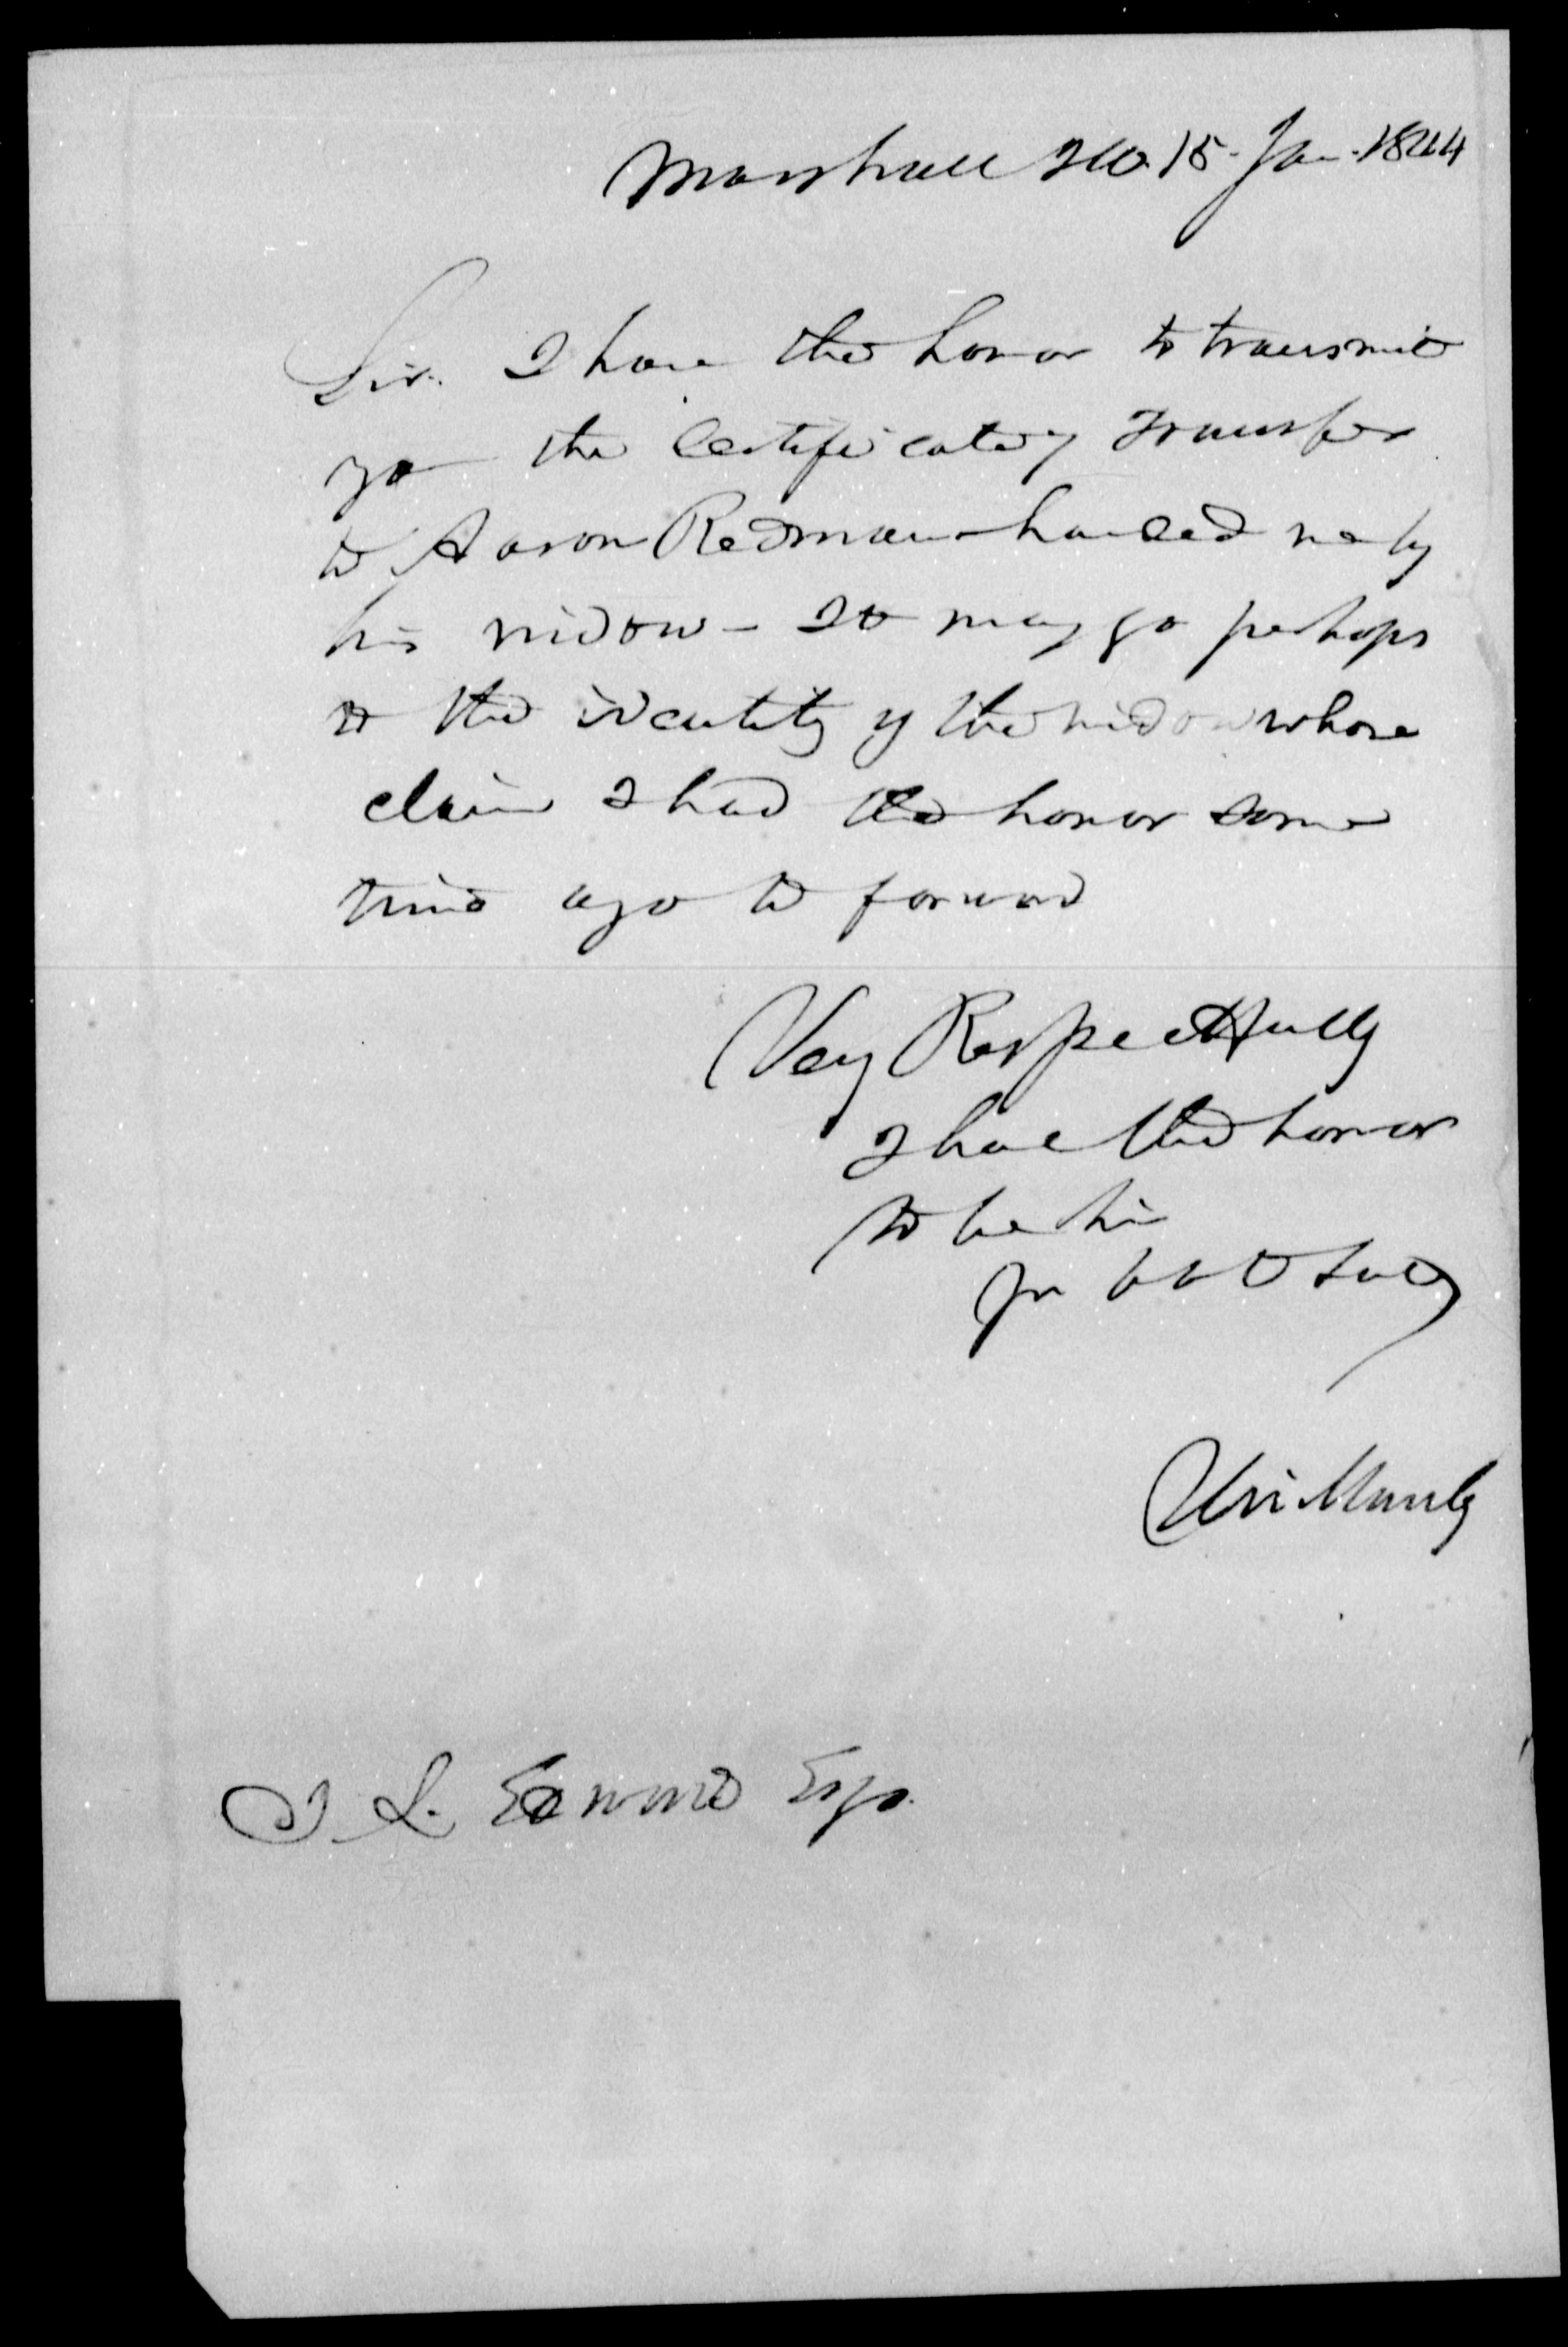Marshall Ill  15 Jan 1844

Sir:  I have the honor to transmit you the certificate of Transfer to Aaron Redman handed me by his widow - It may go perhaps to the identity of the widow whose claim I had the honor some time ago to forward
Very Respectfully
I have the honor
to be Sir
yr obt svt
Uri Manly


JL. Edwards Esqr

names: J L Edwards; Uri Manly; Aaron Redman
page: 39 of 57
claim: widow's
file: W. 9,622, for Aaron Redman, Virginia